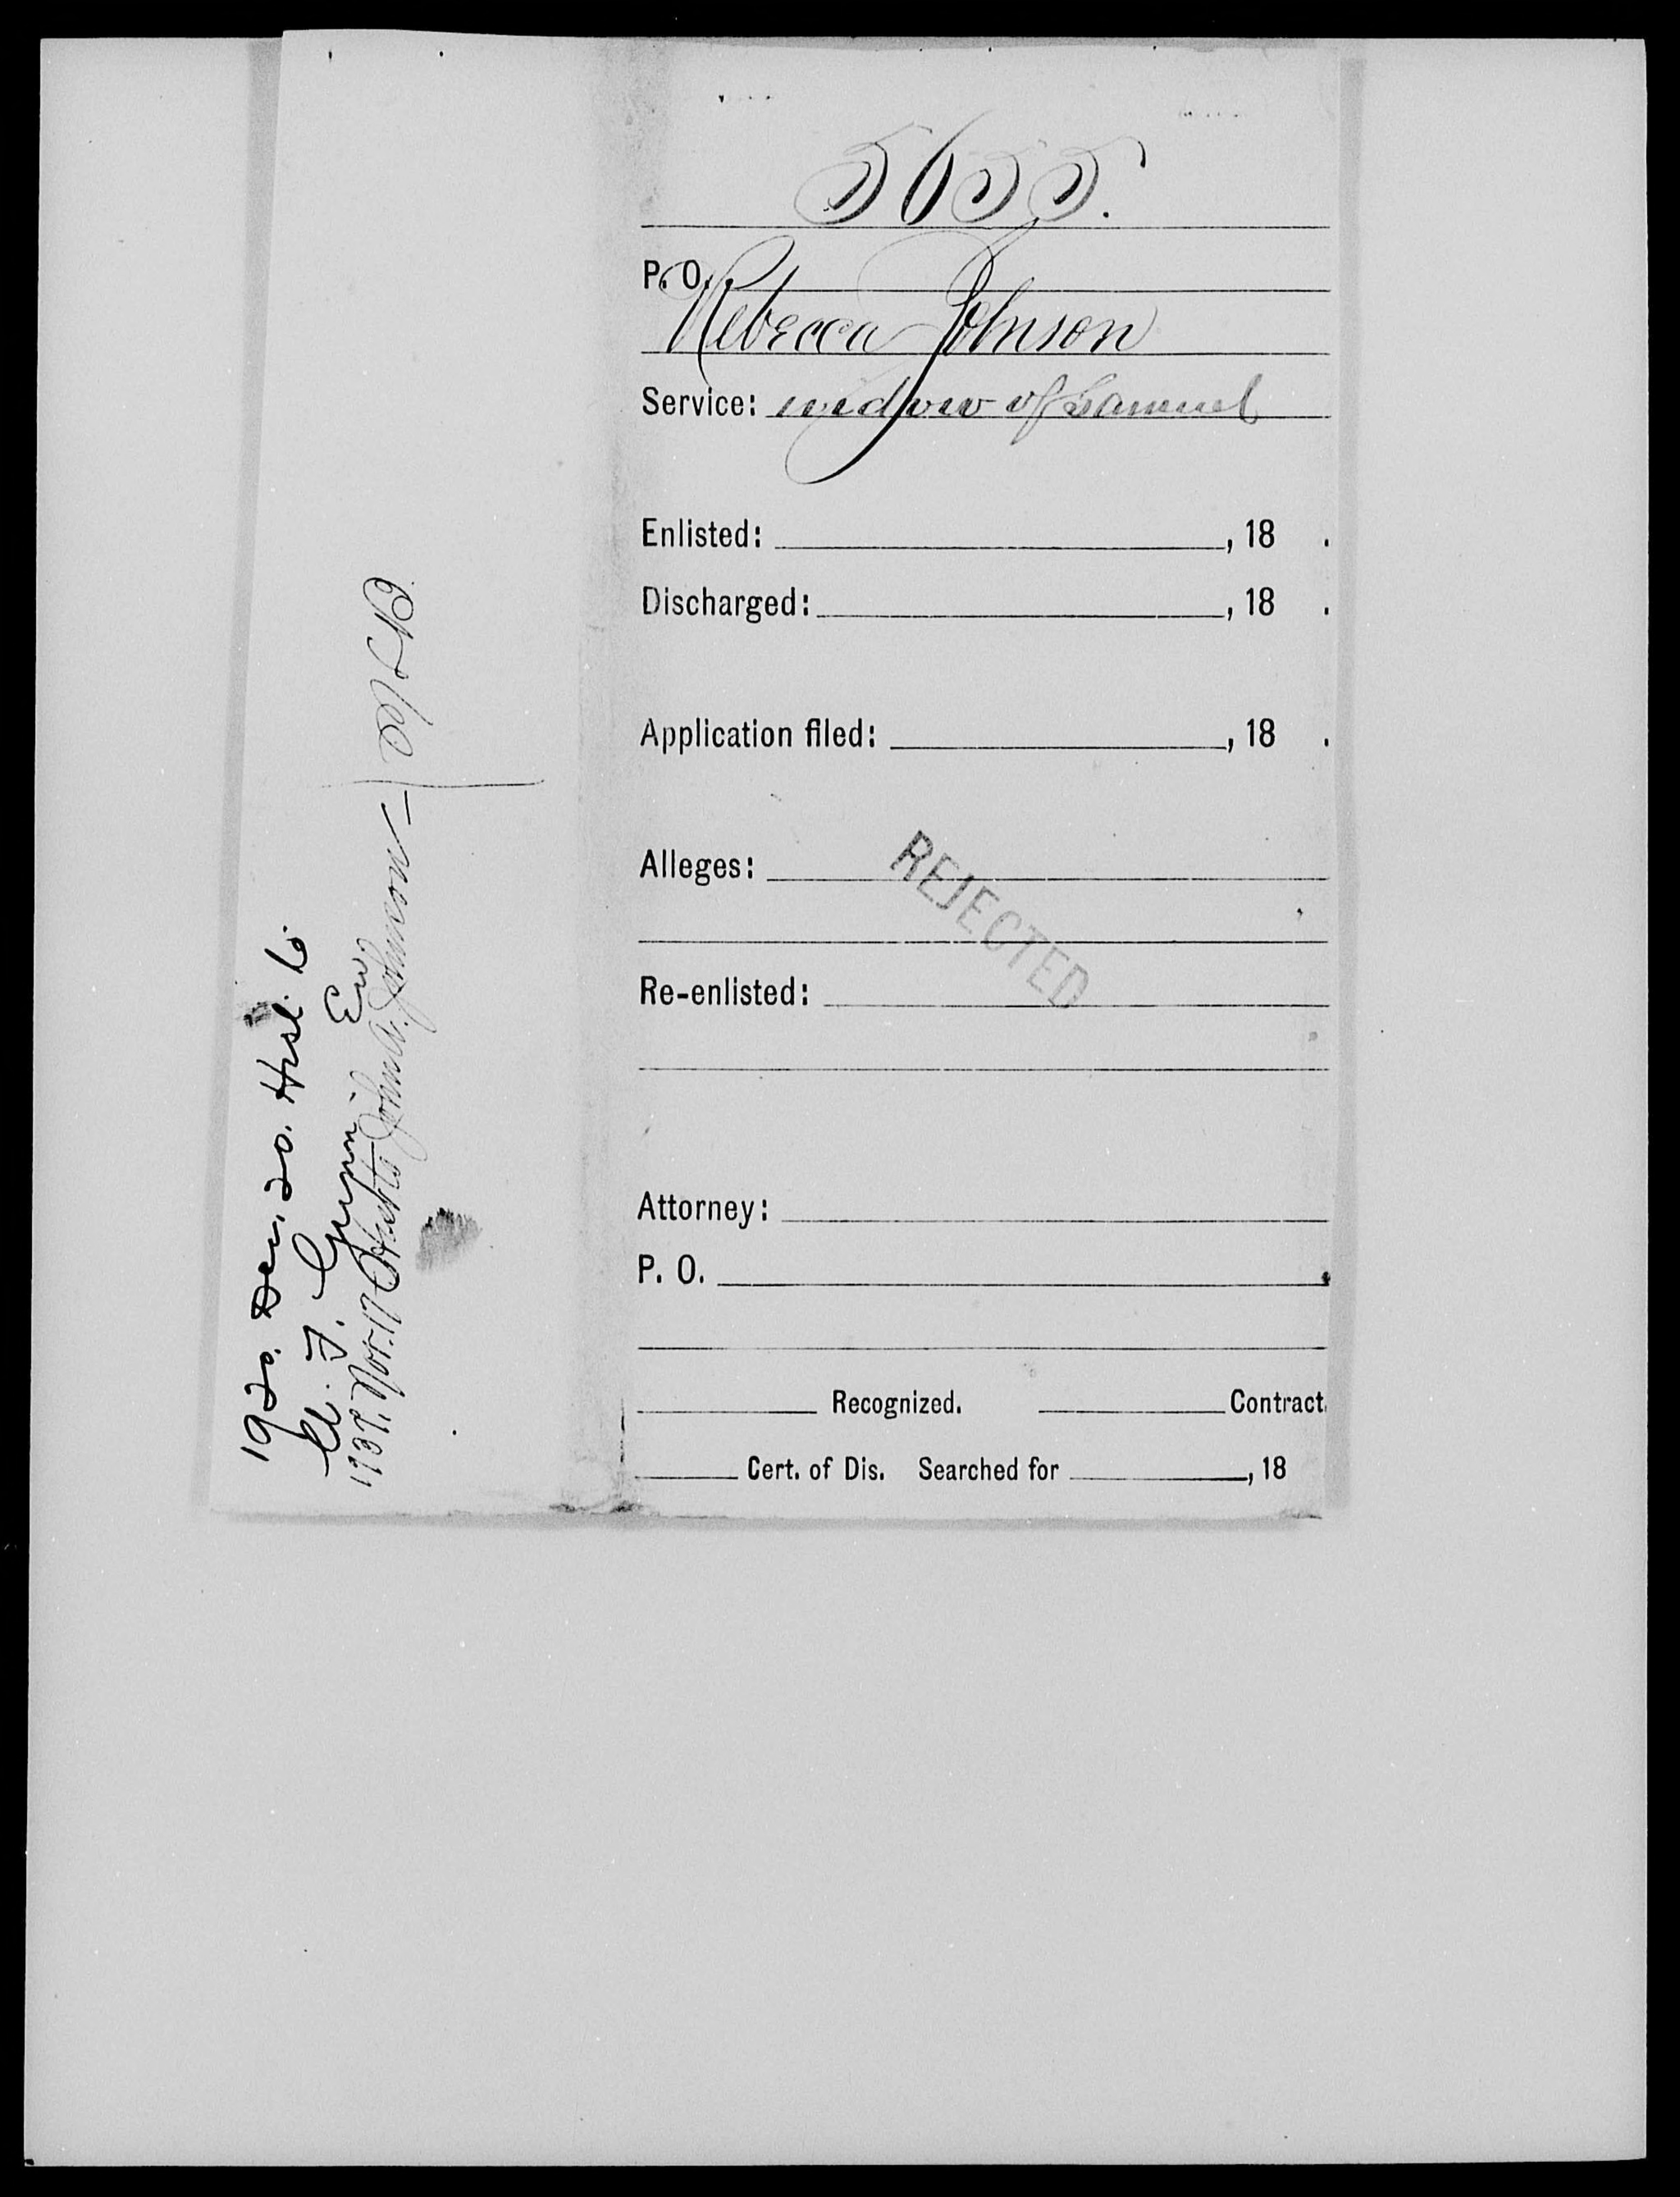1920 Dec 20 Hist to W. F. Gunn EW
1937, Nov 17, hist to John A. Johnson MLB
5655
Rebecca Johnson
Widow of Samuel
REJECTED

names: John A Johnson; Samuel Johnson; Rebecca Johnson; W F Gunn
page: 24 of 43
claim: rejected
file: R. 5655, for Samuel Johnson, Connecticut